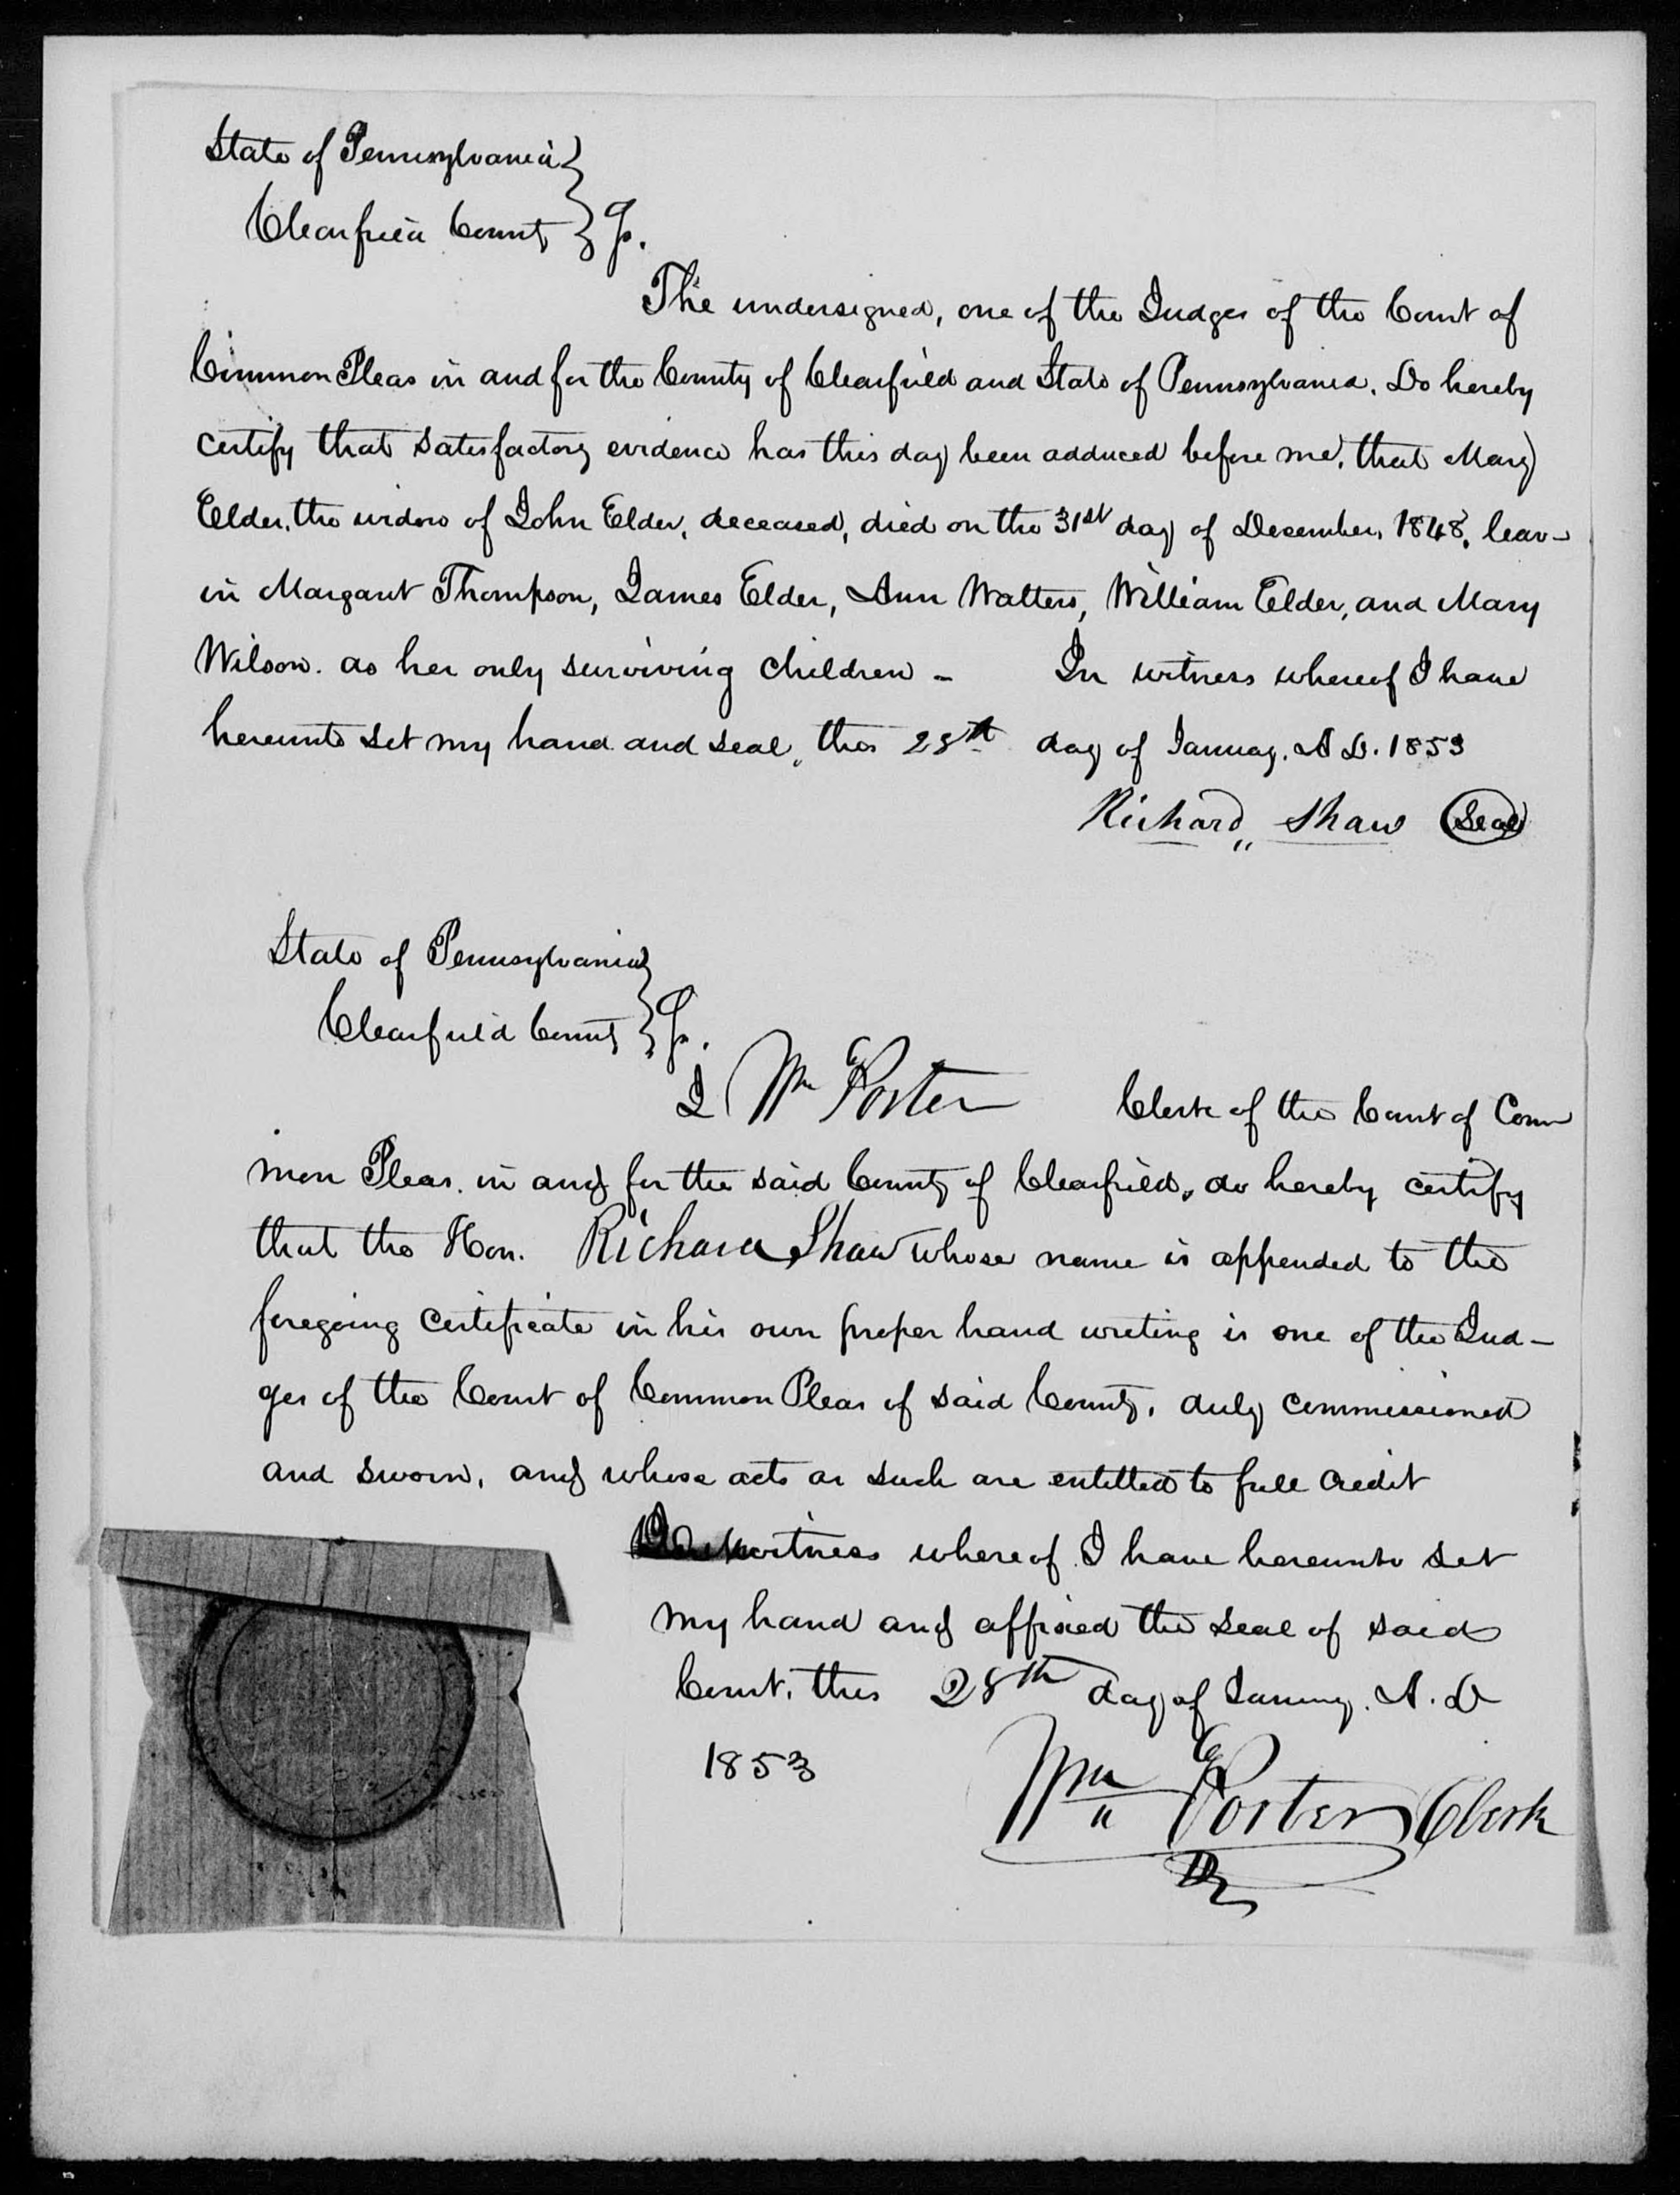State of Pennsylvania ⎬
Clearfield County 
The undersigned, one of the Judges of the Court of Common Pleas in and for the County of Clearfield and State of Pennsylvania, Do hereby certify that satisfactory evidence has this day been adduced before me, that Mary Elder the widow of John Elder, deceased, died on the 31st day of December, 1848. leavin Margaret Thompson, James Elder, Ann Watters, William Elder, and Mary Wilson, as her only surviving children - In witness whereof I have hereunto set my hand and seal, this 28th day of January AD. 1853
Richard Shaw Seal

State of Pennsylvania
Clearfield County ⎬
I Wm. Porter Clerk of the Count of Common Pleas in and for the said County of Clearfield, do hereby certify that the Hon. Richard Shaw whose name is appended to the foregoing certificate in his own proper hand writing is one of the Judges of the Court of Common Pleas of said County, duly commissioned
and sworn, and whose acts as such are entitled to full credit [illegible] whereof I have hereunto set my hand and affixed the seal of said Court this 28th day of January A.D. 1853
Wm Porter Clerk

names: Mary Elder, Richard Shaw, William Elder, Margaret Thompson, John Elder, Wm Porter, Wm Porter, Ann Walters, Richard Shaw, James Elder, Mary Wilson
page: 74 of 80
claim: widow's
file: W. 24117, John Elder, Penn.